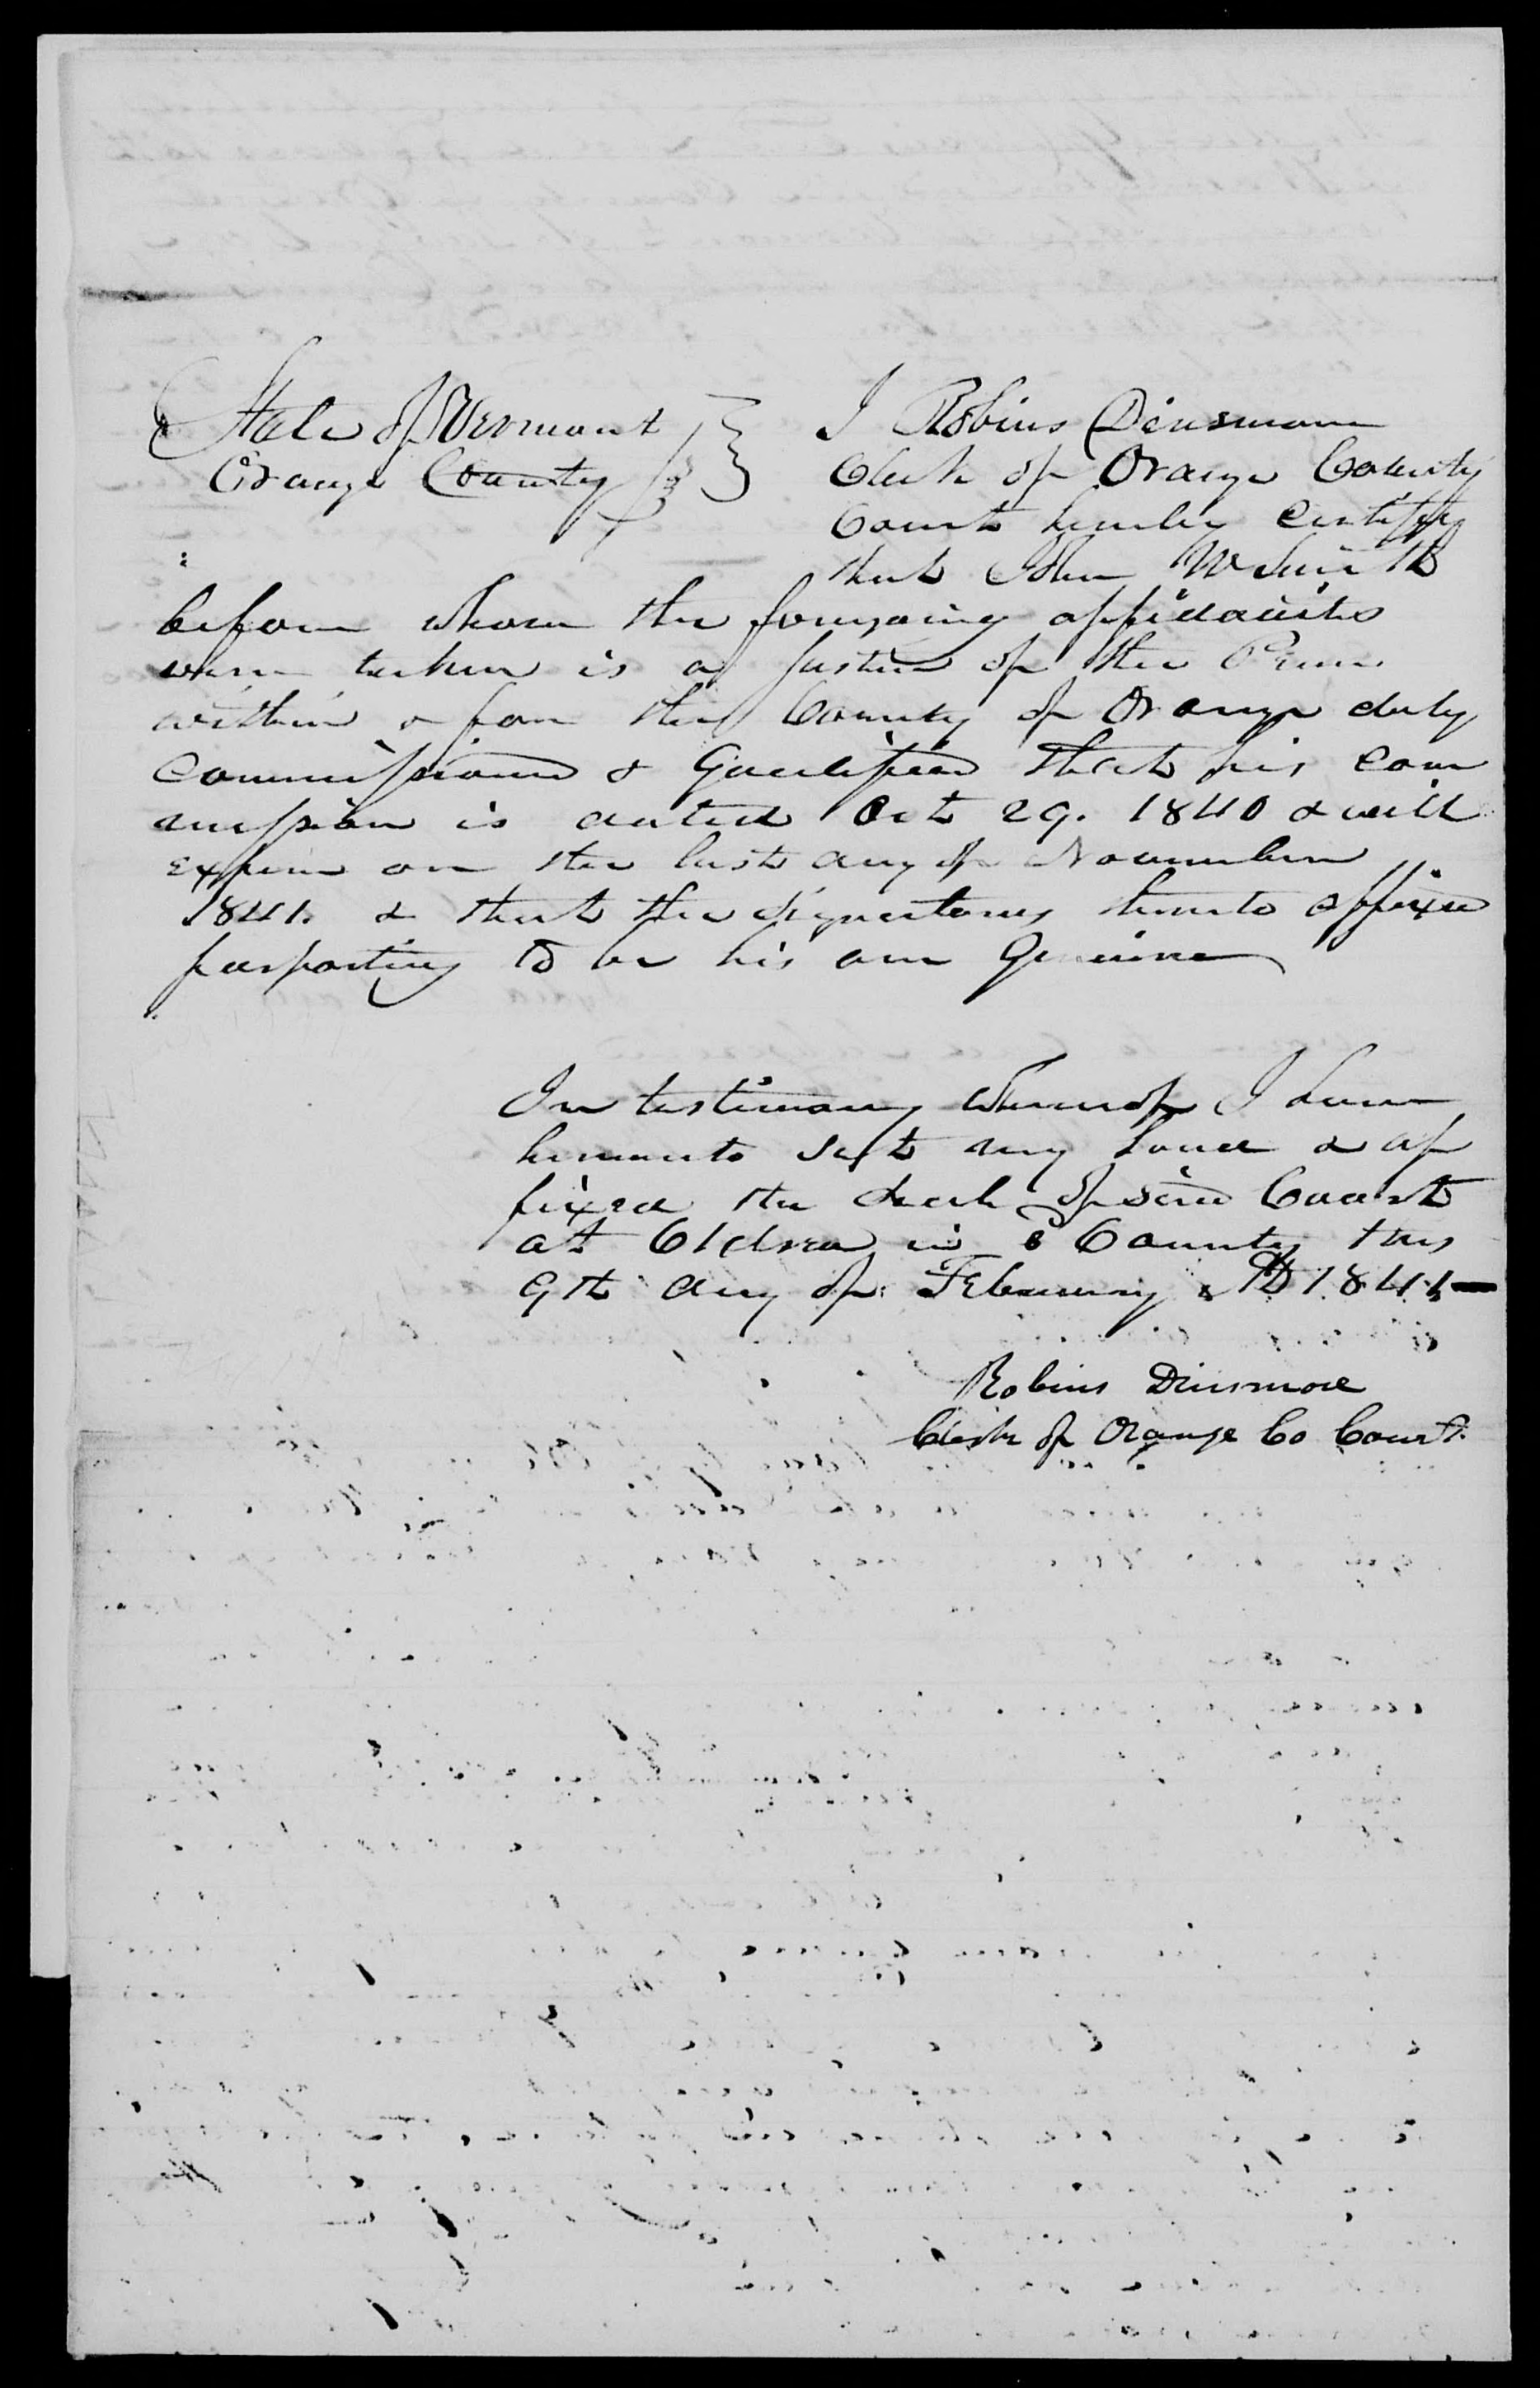State of Vermont
Orange County SS
I Robins Dinsmore Clerk of Orange County Court hereby certify that John W Smith before whom the foregoing affidavits were taken is a Justice of the Peace within and for the County of Orange duly Commissioned and qualified that his commission is dated Oct 29. 1840 and will expire on the last day of November 1841. and that the signatures thereto affixed purporting to be his are genuine
In testimony whereof I have hereunto set my hand and affixed the seal of said Court at Chelsea in sd [said] County this 9th day of February AD 1841 -
Robins Dinsmore
Clerk of Orange Co. Court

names: Robins Dinsmore, John W Smith, Robins Dinsmore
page: 20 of 47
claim: widow's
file: W. 24043, Jacob Davis, N.H.